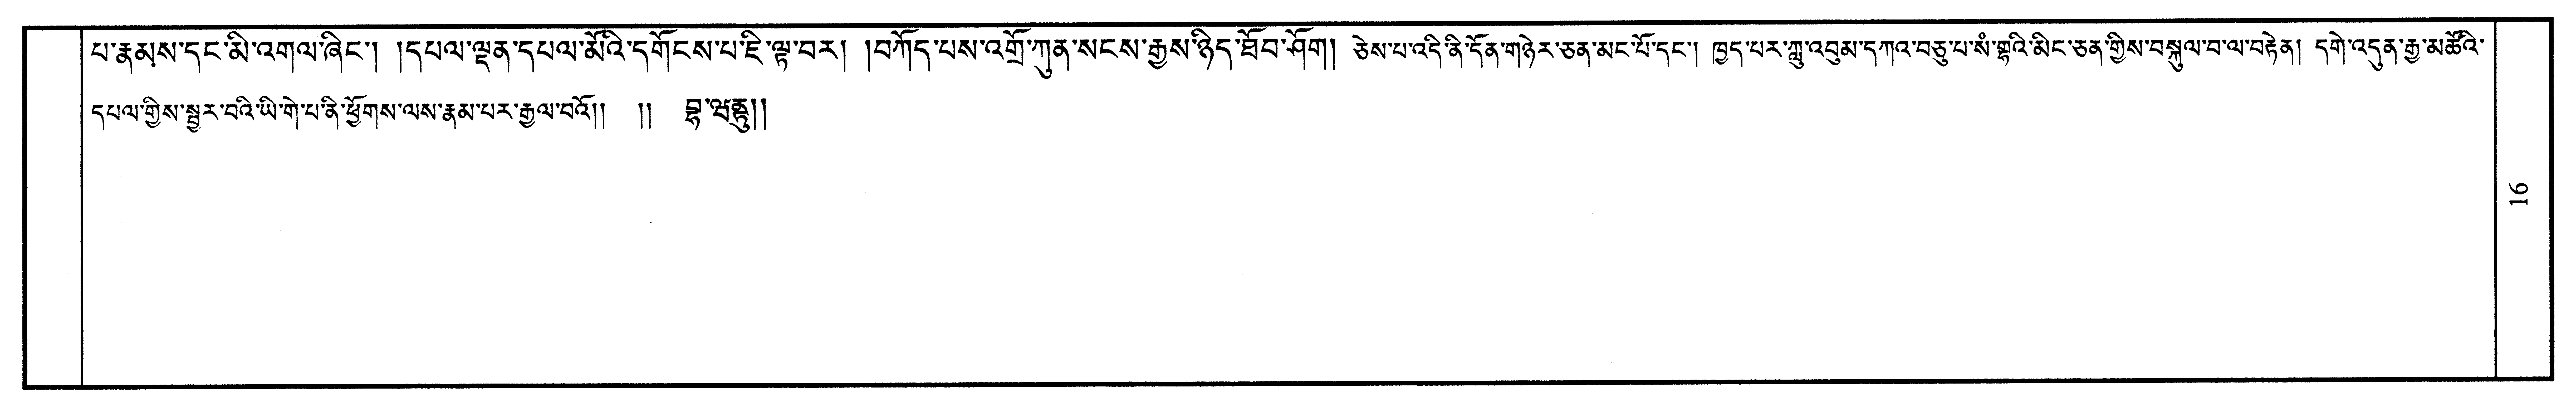པ་རྣམས་དང་མི་འགལ་ཞིང་། །དཔལ་ལྡན་དཔལ་མོའི་དགོངས་པ་ཇི་ལྟ་བར། །བཀོད་པས་འགྲོ་ཀུན་སངས་རྒྱས་ཉིད་ཐོབ་ཤོག། ཅེས་པ་འདི་ནི་དོན་གཉེར་ཅན་མང་པོ་དང་། ཁྱད་པར་ཀླུ་འབུམ་དཀའ་བཅུ་པ་སཾ་གྷའི་མིང་ཅན་གྱིས་བསྐུལ་བ་ལ་བརྟེན། དགེ་འདུན་རྒྱ་མཚོའི་
དཔལ་གྱིས་སྦྱར་བའི་ཡི་གེ་པ་ནི་ཕྱོགས་ལས་རྣམ་པར་རྒྱལ་བའོ།། །།བྷ་ཝནྟུ།།